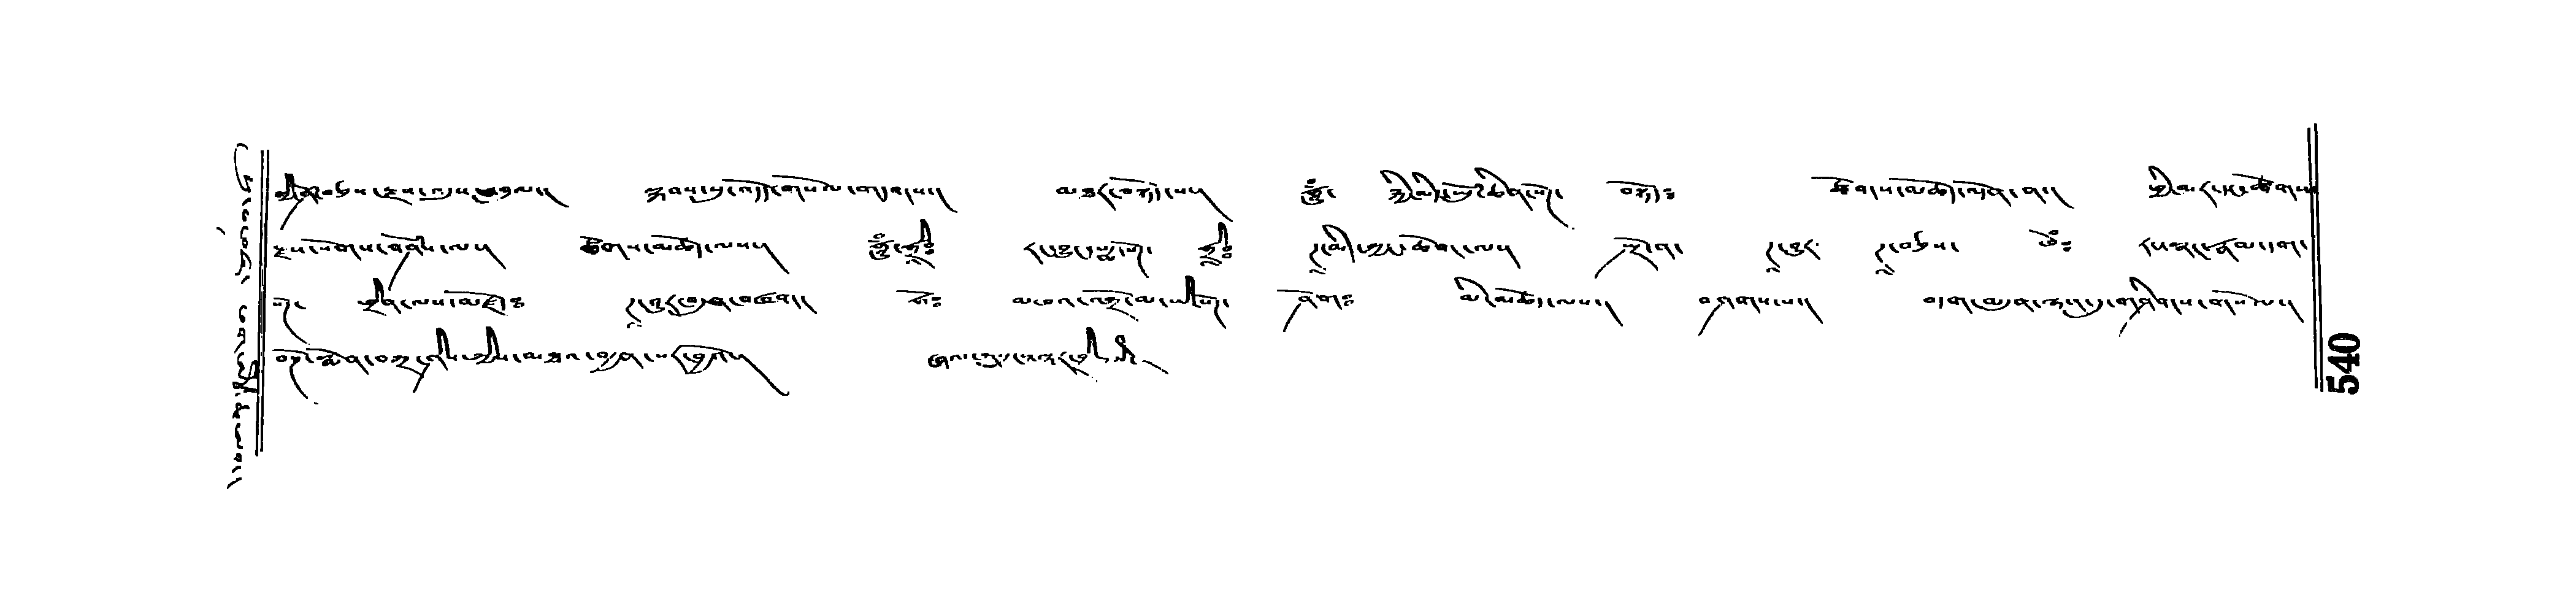གྱི་ཤམ་བཅས་རྫས་འདུས་འབུལ། སྐབས་སུ་འདོད་གསོལ་གདགས། མཐར་བསྟོད་པ། ཧཱུྃ༔ སྐྱེ་མེད་ཡུམ་ཆེན་སོགས།ས བསྟོད༔ ཚོགས་མཆོད་འདོན་ན། ཕྱེ་མར་དང་ཚོགས་
རྫས་སོགས་བཤམས་ལ། ཚོགས་མཆོད་ལས། ཧཱུྃ་ཧྲཱིཿ རང་བྱུང་པདྨ་སོགས། ཧྲཱིཿ ཌཱ་མེད་ཀྱང་ཆོག་ལ། སྤྲོ་ན། ཌཱ་འུར། ཌཱ་བཅས། ཕེཾ༔ རང་སྣང་རྣམ་དག་
སོགས། ཕྲིན་ལས་མཛོད༔ ཌཱ་འུར་བདུན་བཞག ཧོཿ མཁའ་འགྲོ་མ་ཡི་སོགས། ཤོག༔ མེ་མཆོད་ལས། བཤགས་པ། བདག་མདུན་ལྷན་དུ་གཤེགས་གསོལ། 
བསྔོ་སྨོན་བཀྲ་ཤིས་ཀྱིས་མཐའ་བརྒྱན་པར་བྱའོ། ཞལ་གསུངས་ལྟར་བྲིས་སོ།།